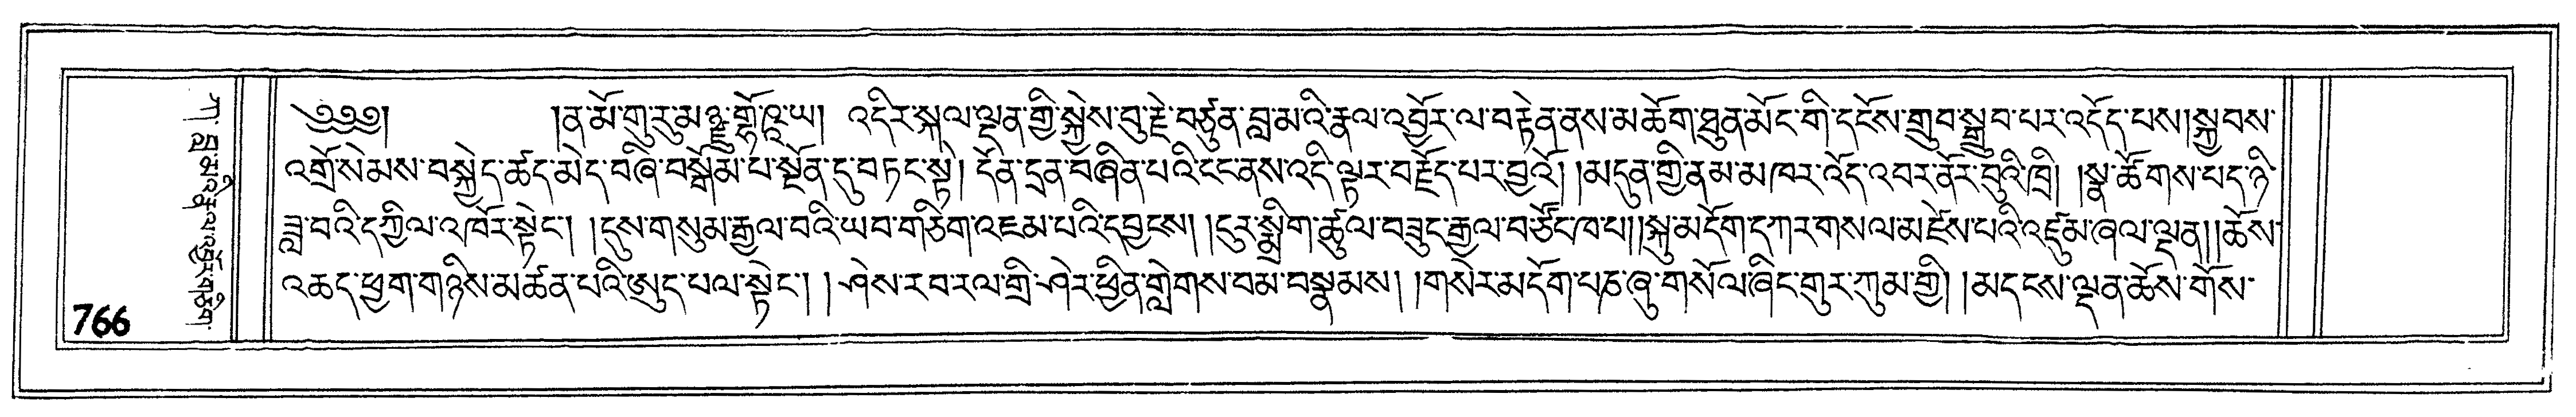༄༅༅། །ན་མོ་གུ་རུ་མཉྫུ་གྷོ་ཥཱ་ཡ། འདིར་སྐལ་ལྡན་གྱི་སྐྱེས་བུ་རྗེ་བཙུན་བླ་མའི་རྣལ་འབྱོར་ལ་བརྟེན་ནས་མཆོག་ཐུན་མོང་གི་དངོས་གྲུབ་སྒྲུབ་པར་འདོད་པས། སྐྱབས་
འགྲོ་སེམས་བསྐྱེད་ཚད་མེད་བཞི་བསྒོམ་པ་སྔོན་དུ་བཏང་སྟེ། དོན་དྲན་བཞིན་པའི་ངང་ནས་འདི་ལྟར་བརྗོད་པར་བྱའོ། །མདུན་གྱི་ནམ་མཁར་འོད་འབར་ནོར་བུའི་ཁྲི། །སྣ་ཚོགས་པད་ཉི་
ཟླ་བའི་དཀྱིལ་འཁོར་སྟེང་། །དུས་གསུམ་རྒྱལ་བའི་ཡབ་གཅིག་འཇམ་པའི་དབྱངས། །ངུར་སྨྲིག་ཚུལ་བཟུང་རྒྱལ་བ་ཙོང་ཁ་པ། །སྐུ་མདོག་དཀར་གསལ་མཛེས་པའི་འཛུམ་ཞལ་ལྡན། །ཆོས་
འཆད་ཕྱག་གཉིས་མཚན་པའི་ཨུད་པལ་སྟེང་། །ཤེས་རབ་རལ་གྲི་ཤེར་ཕྱིན་གླེགས་བམ་བསྣམས། །གསེར་མདོག་པཎ་ཞུ་གསོལ་ཞིང་གུར་ཀུམ་གྱི། །མདངས་ལྡན་ཆོས་གོས་